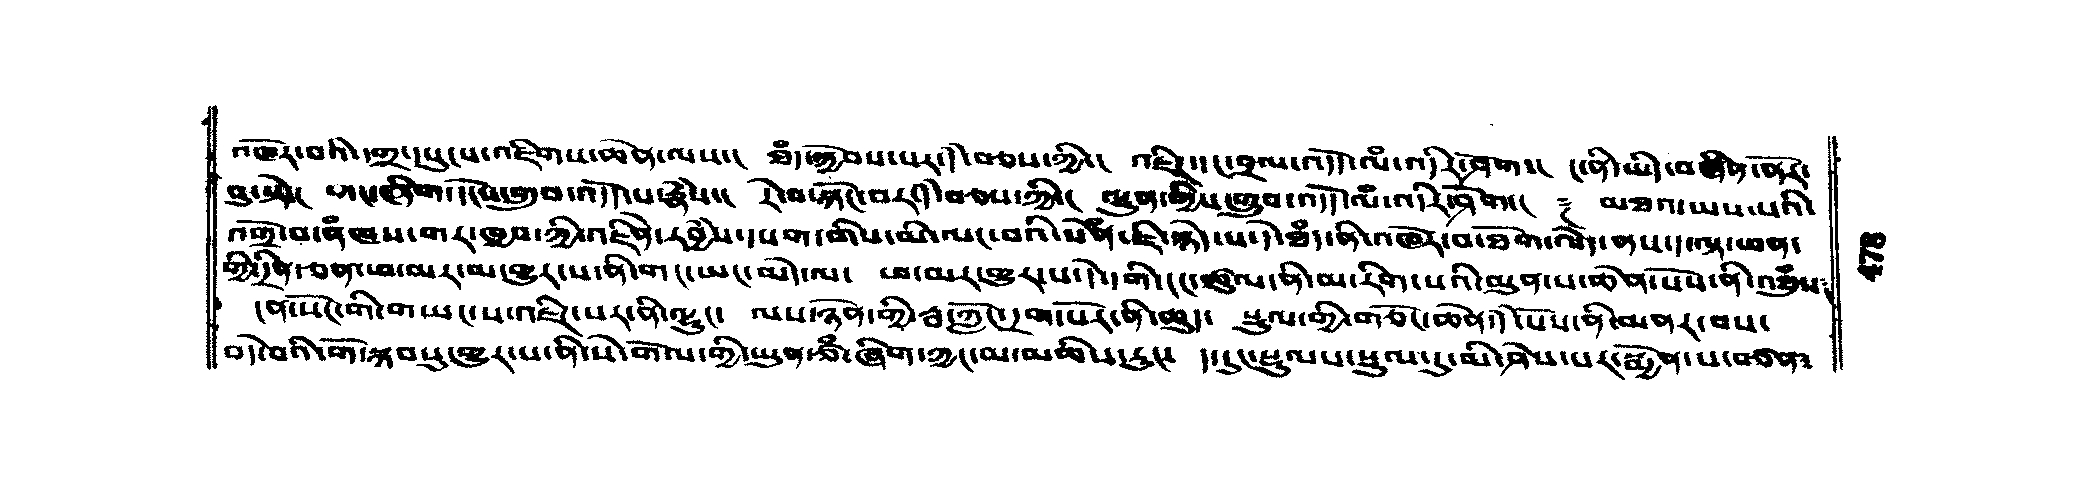།འཁོར་བའི་དགྲ་དཔུང་འཇིགས་ཆེན་ལས། །ཐམས་ཅད་སྐྱོབས་པར་དམ་བཅས་ཀྱི། །འཇིགས་དང་བྲལ་འདོད་ལམ་འདིར་ཤོག །ང་ནི་ཡིད་བཞིན་ནོར་
བུ་སྟེ། །གང་ཞིག་དངོས་གྲུབ་འདོད་པ་རྣམས། །རེ་བ་སྐོང་བར་དམ་བཅས་ཀྱི། །ལྷུན་གྱིས་གྲུབ་འདོད་ལམ་འདིར་ཤོག མཐའ་ཡས་པའི་
འགྲོ་བ་ནམ་མཁའི་གར་ཁྱབ་ཀྱི་འཇིག་རྟེན་རབ་འབྱམས་དཔག་གིས་མི་ལང་བའི་སེམས་ཅན་ཇི་སྙེད་པ་དེ་ཐམས་ཅད་ནི་འཁོར་བ་ཐོག་མེད་ནས་ད་ལྟ་ཕན་
གྱི་དྲིན་ཅན་ཕ་མར་མ་གྱུར་པ་ནི་གང་ཡང་མེད་ལ། ཕ་མར་གྱུར་པ་དེ་དག་གི་ངང་ཚུལ་ནི་མ་རིག་པའི་མུན་པ་ཆེན་པོས་ནི་འཐུམས། 
ངན་སོང་གི་གཡང་ས་འཇིགས་པར་ནི་ལྷུང་། ལས་ཉོན་གྱི་རྦ་ཀློང་དྲག་པོར་ནི་ཆུད། སྡུག་བསྔལ་གྱི་གཅོང་ཆེན་དམ་པོས་ནི་མནར་བས་
བདེ་བའི་གོ་སྐབས་སུ་གྱུར་པ་ནི་སེ་གོལ་གྱི་ཡུན་ཙམ་ཞིག་ཀྱང་མ་མཆིས་རུང་། ད་དུང་སྡུག་བསྔལ་ལ་སྡུག་བསྔལ་དུ་མི་ཤེས་པར་སྨྱོན་པ་བཙན་